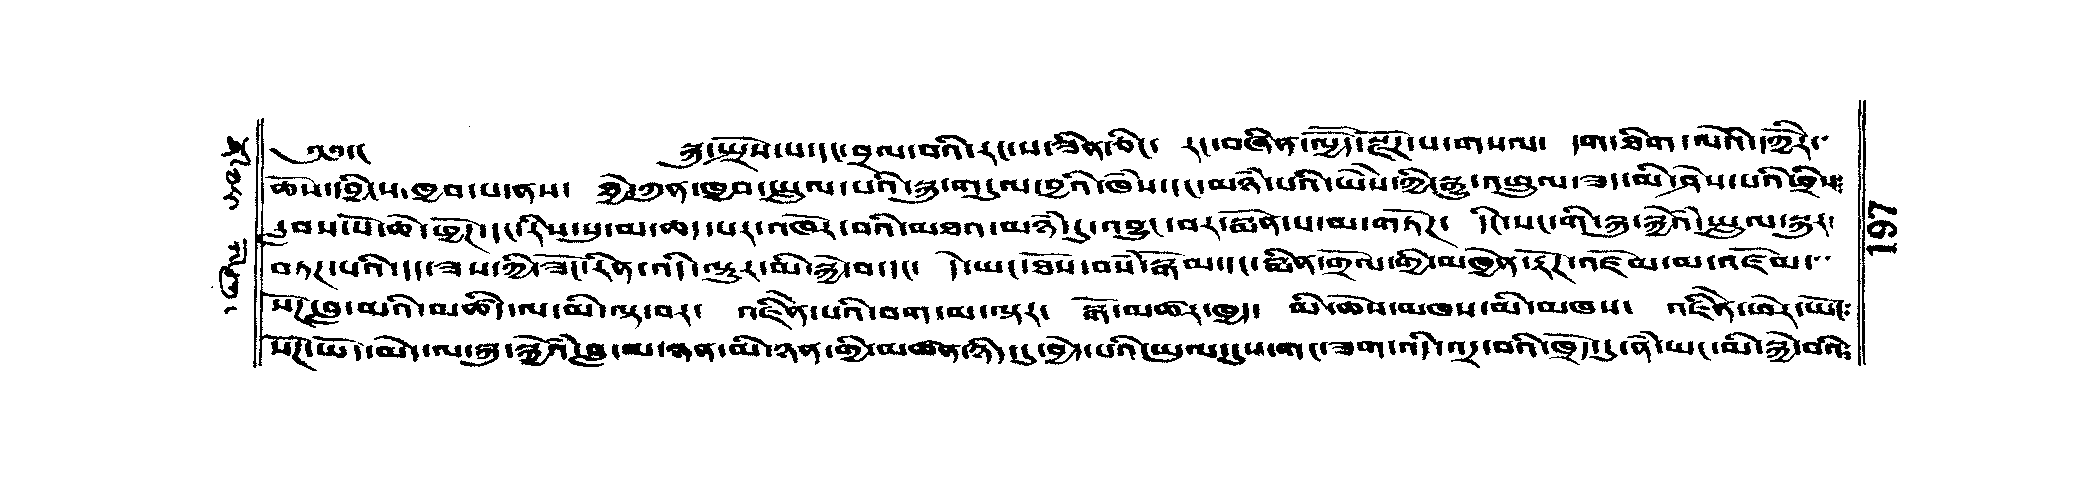སྐུ་སྤྲོས་པ་དང་བྲལ་བའི་རང་ས་ཟིན་ཅིང་། རང་བཞིན་ལོངས་སྤྱོད་རྫོགས་པ་གསལ་དག་ཐིག་ལེའི་དཀྱིལ་འཁོར་
ཆོས་དབྱིངས་ཁྱབ་པ་ནས། ཐུགས་རྗེ་ཀུན་ཁྱབ་སྤྲུལ་པའི་སྐུ་གདུལ་བྱའི་ཁམས་དང་མཉམ་པའི་ཡེ་ཤེས་ཀྱི་སྒྱུ་འཕྲུལ་ཟད་མི་ཤེས་པའི་ཕྲིན་ལས་
རླབས་པོ་ཆེ་ཕྱོགས་དང་རིས་སུ་མ་ཆད་པར་འཁོར་བའི་མཐའ་མཉམ་དུ་འབྱུང་བར་སྨོན་པ་མ་གཏོགས། དིང་སང་གི་སྐུ་སྐྱེའམ་སྤྲུལ་སྐུར་
བཏགས་པའི་དད་ཟས་ཀྱི་ཟོང་རིན་འདི་ལྟ་བུར་མི་སྐྱེ་བ་དང་། དེ་ཡང་ཐོས་བསམ་སྒོམ་དང་སྨིན་གྲོལ་གྱི་མཁྱེན་རྟོགས་འཛོམ་མ་འཛོམ་
སོགས་བླ་མའི་མཚན་ཉིད་ལ་མི་ལྟ་བར། འཇིག་རྟེན་པའི་བག་མ་ལྟར། སྒོ་མཚར་ཁྱད། མི་ཆོས་མཁས་མི་མཁས། འཇིག་རྟེན་ཕེར་ཡོ་
སོགས་ཡོད་མེད་ལ་སྐུ་སྐྱེའམ་བླ་མ་ཉན་མི་ཉན་གྱི་མཚན་ཉིད་དུ་བྱེད་པའི་ཡུལ་དུས་གང་ཟག་འདི་འདྲ་བའི་ཁྲོད་དུ་ནམ་ཡང་མི་སྐྱེ་བའི་